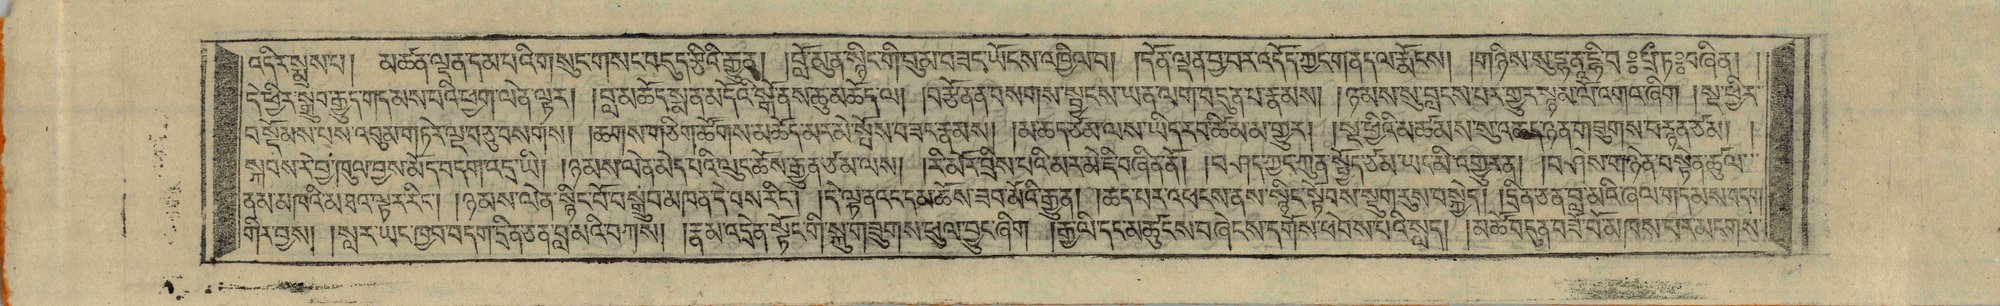འདིར་སྨྲས་པ། མཚན་ལྡན་དམ་པའི་གསུང་གསང་བདུད་རྩིའི་རྒྱུན། །བློ་མུན་སྙིང་གི་བུམ་བཟང་ཡོངས་འཁྱིལ་བ། །དོན་ལྡན་བྱ་བར་འདོད་ཀྱང་གནད་ལ་རྨོངས། །གཉིས་སུ་དྷ་ནཱ་དྷི་བཿ པྲྀ་ཏཿ བཞིན། །
དེ་ཕྱིར་སྒྲུབ་རྒྱུད་གདམས་པའི་ཕྱག་ལེན་ལྟར། །བླ་མཆོད་སྨན་མདོའི་སྒོ་ནས་ཆུ་མཆོད་ལ། །བརྩོན་ན་བསགས་སྦྱངས་ཡན་ལག་བདུན་པ་རྣམས། །ཉམས་སུ་བླངས་པར་གྱུར་སྙམ་ལོ་འགའ་ཞིག །སྔ་ཕྱིར་
བསྡོམས་པས་འབུམ་གཏེར་ལྔ་བཅུ་བསགས། །ཆགས་གཅིག་ཚོགས་མཆོད་མར་མེ་སྤོས་བཟང་རྣམས། །མ་ཆད་ཙམ་ལས་ཡིད་རབ་ཚིམ་མ་གྱུར། །སྔ་ཕྱིའི་མཚམས་སུ་འཆད་ཉན་གཟུགས་བརྙན་ཙམ། །
སྐབས་རེ་བྱ་ཁུལ་བྱས་མོད་བདག་འདྲ་ཡི། །ཉམས་ལེན་མེད་པའི་ལུང་ཆོས་རྒྱུན་ཙམ་ལས། །རི་མོར་བྲིས་པའི་མར་མེ་ཇི་བཞིན་ནོ། །བཤད་ཀྱང་ཀུན་སྤྱོད་ཙམ་ཡང་མི་འགྱུར་ན། །བཤེས་གཉེན་བསྟེན་ཚུལ་
ནམ་མཁའི་མཐའ་ལྟར་རིང་། །ཉམས་ལེན་སྙིང་པོ་བསྒྲུབ་མཁན་དེ་བས་རིང་། །དེ་ལྟ་ནའང་དམ་ཆོས་ཟབ་མོའི་རྒྱུན། །ཆད་པར་འཕངས་ནས་སྙིང་སྟོབས་སྡུག་རུས་བསྐྱེད། །དྲིན་ཅན་བླ་མའི་ཞལ་གདམས་བདག་
གིར་བྱས། །སླར་ཡང་ཁྱབ་བདག་དྲིན་ཅན་བླ་མའི་བཀས། །རྣམ་འདྲེན་སྟོང་གི་སྐུ་གཟུགས་ཕུལ་བྱུང་ཞིག །རྒྱ་ལི་དང་མཚུངས་བཞེངས་དགོས་ཕེབས་པའི་སླད། །མཚོ་བདུན་བཟོ་བོ་མཁས་པར་མངགས་